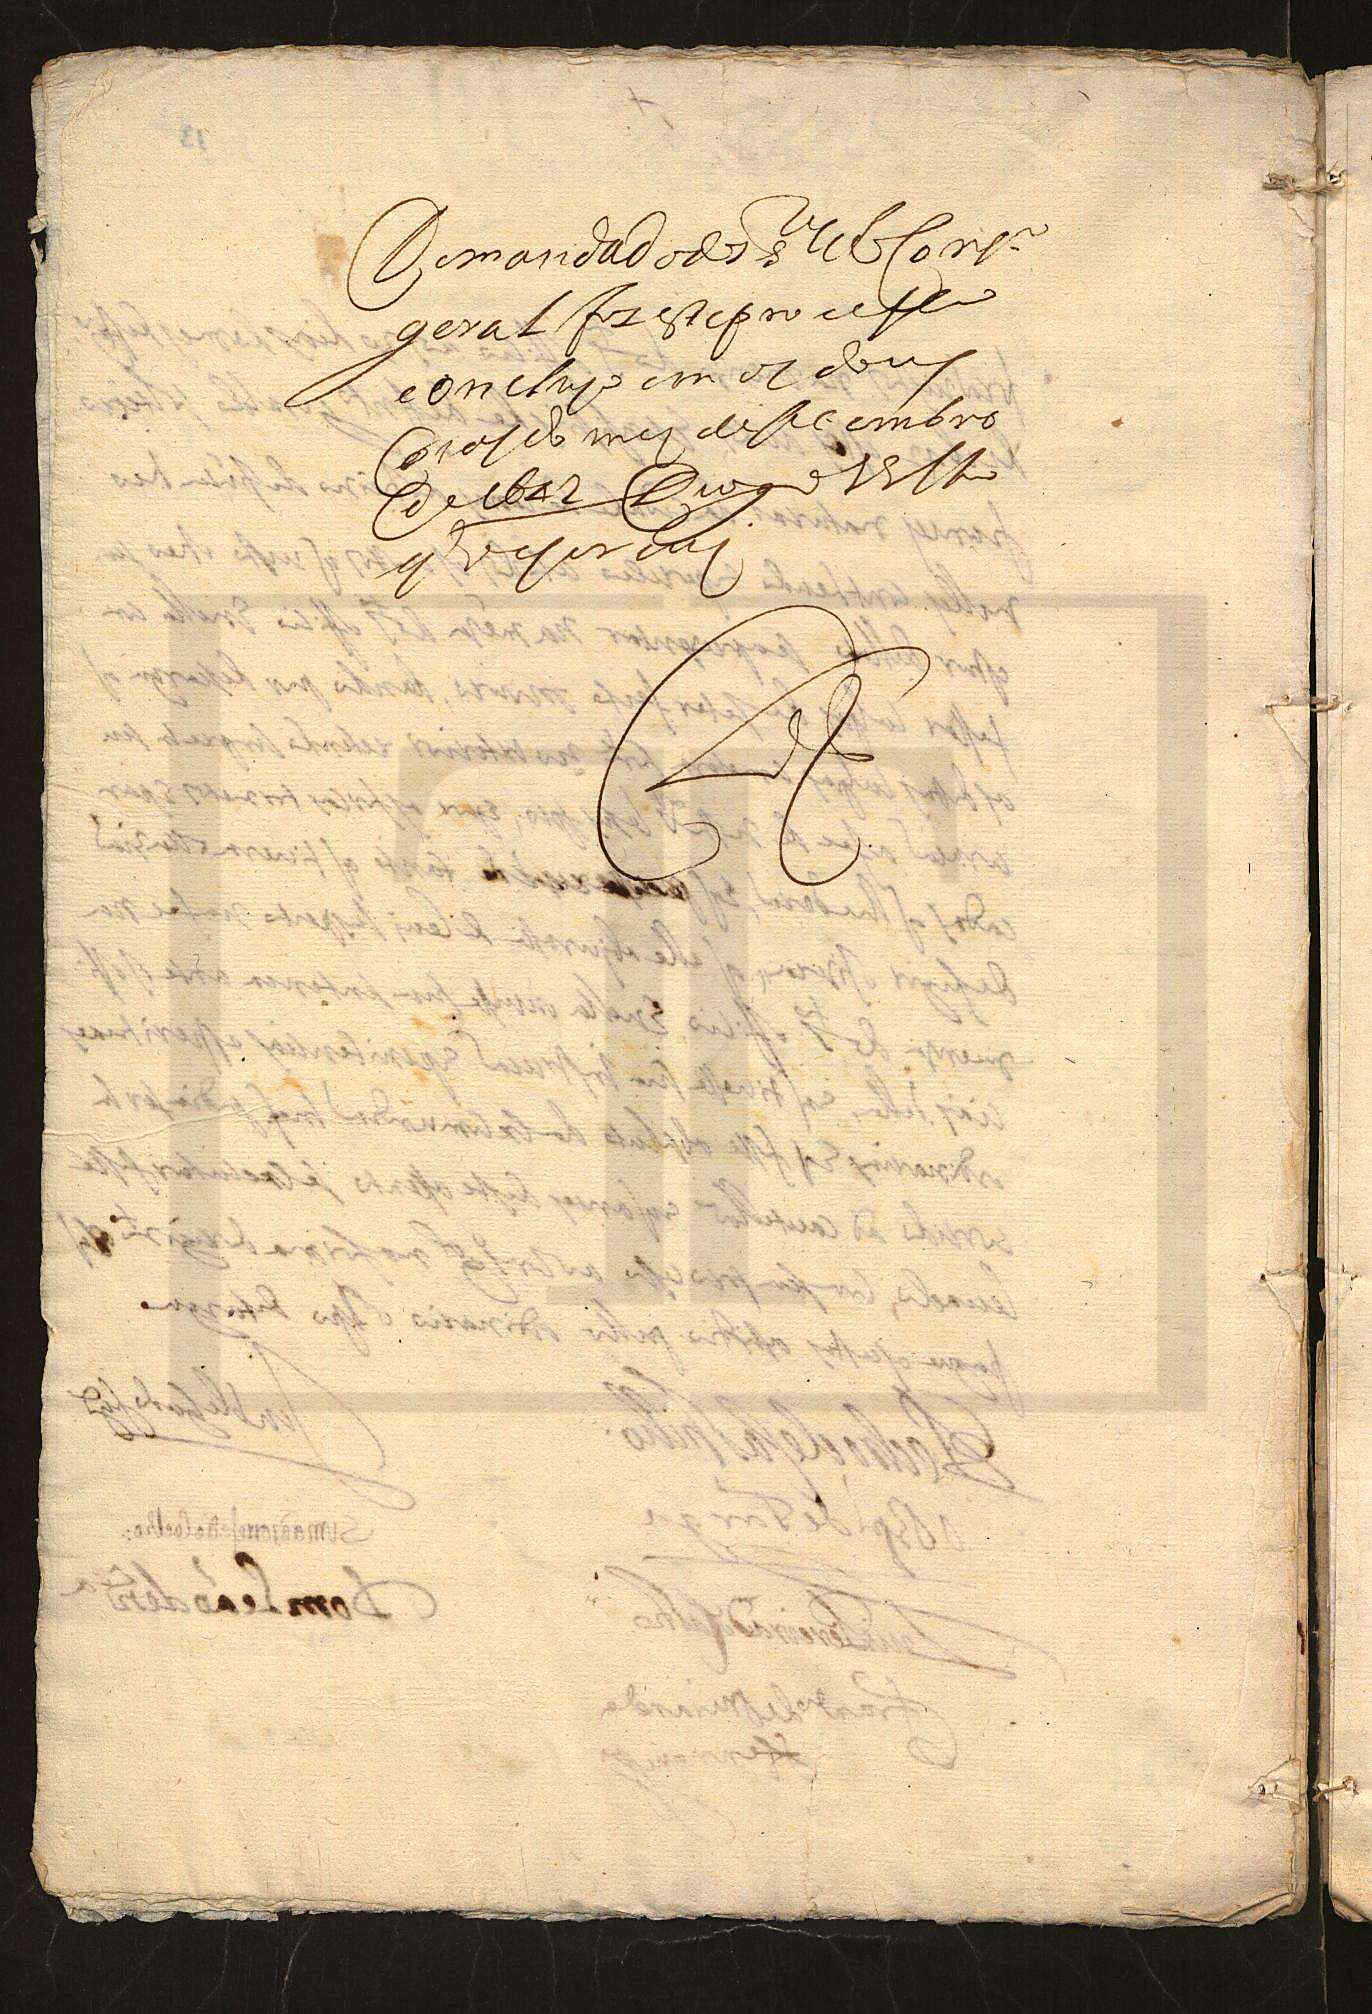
De mandado dos sres do Cons.o
geral fiz este processo
concluzo em os dous
dias do mes de setembro
de 1642 Diogo Velho
q̄ o escreuj
Clo
